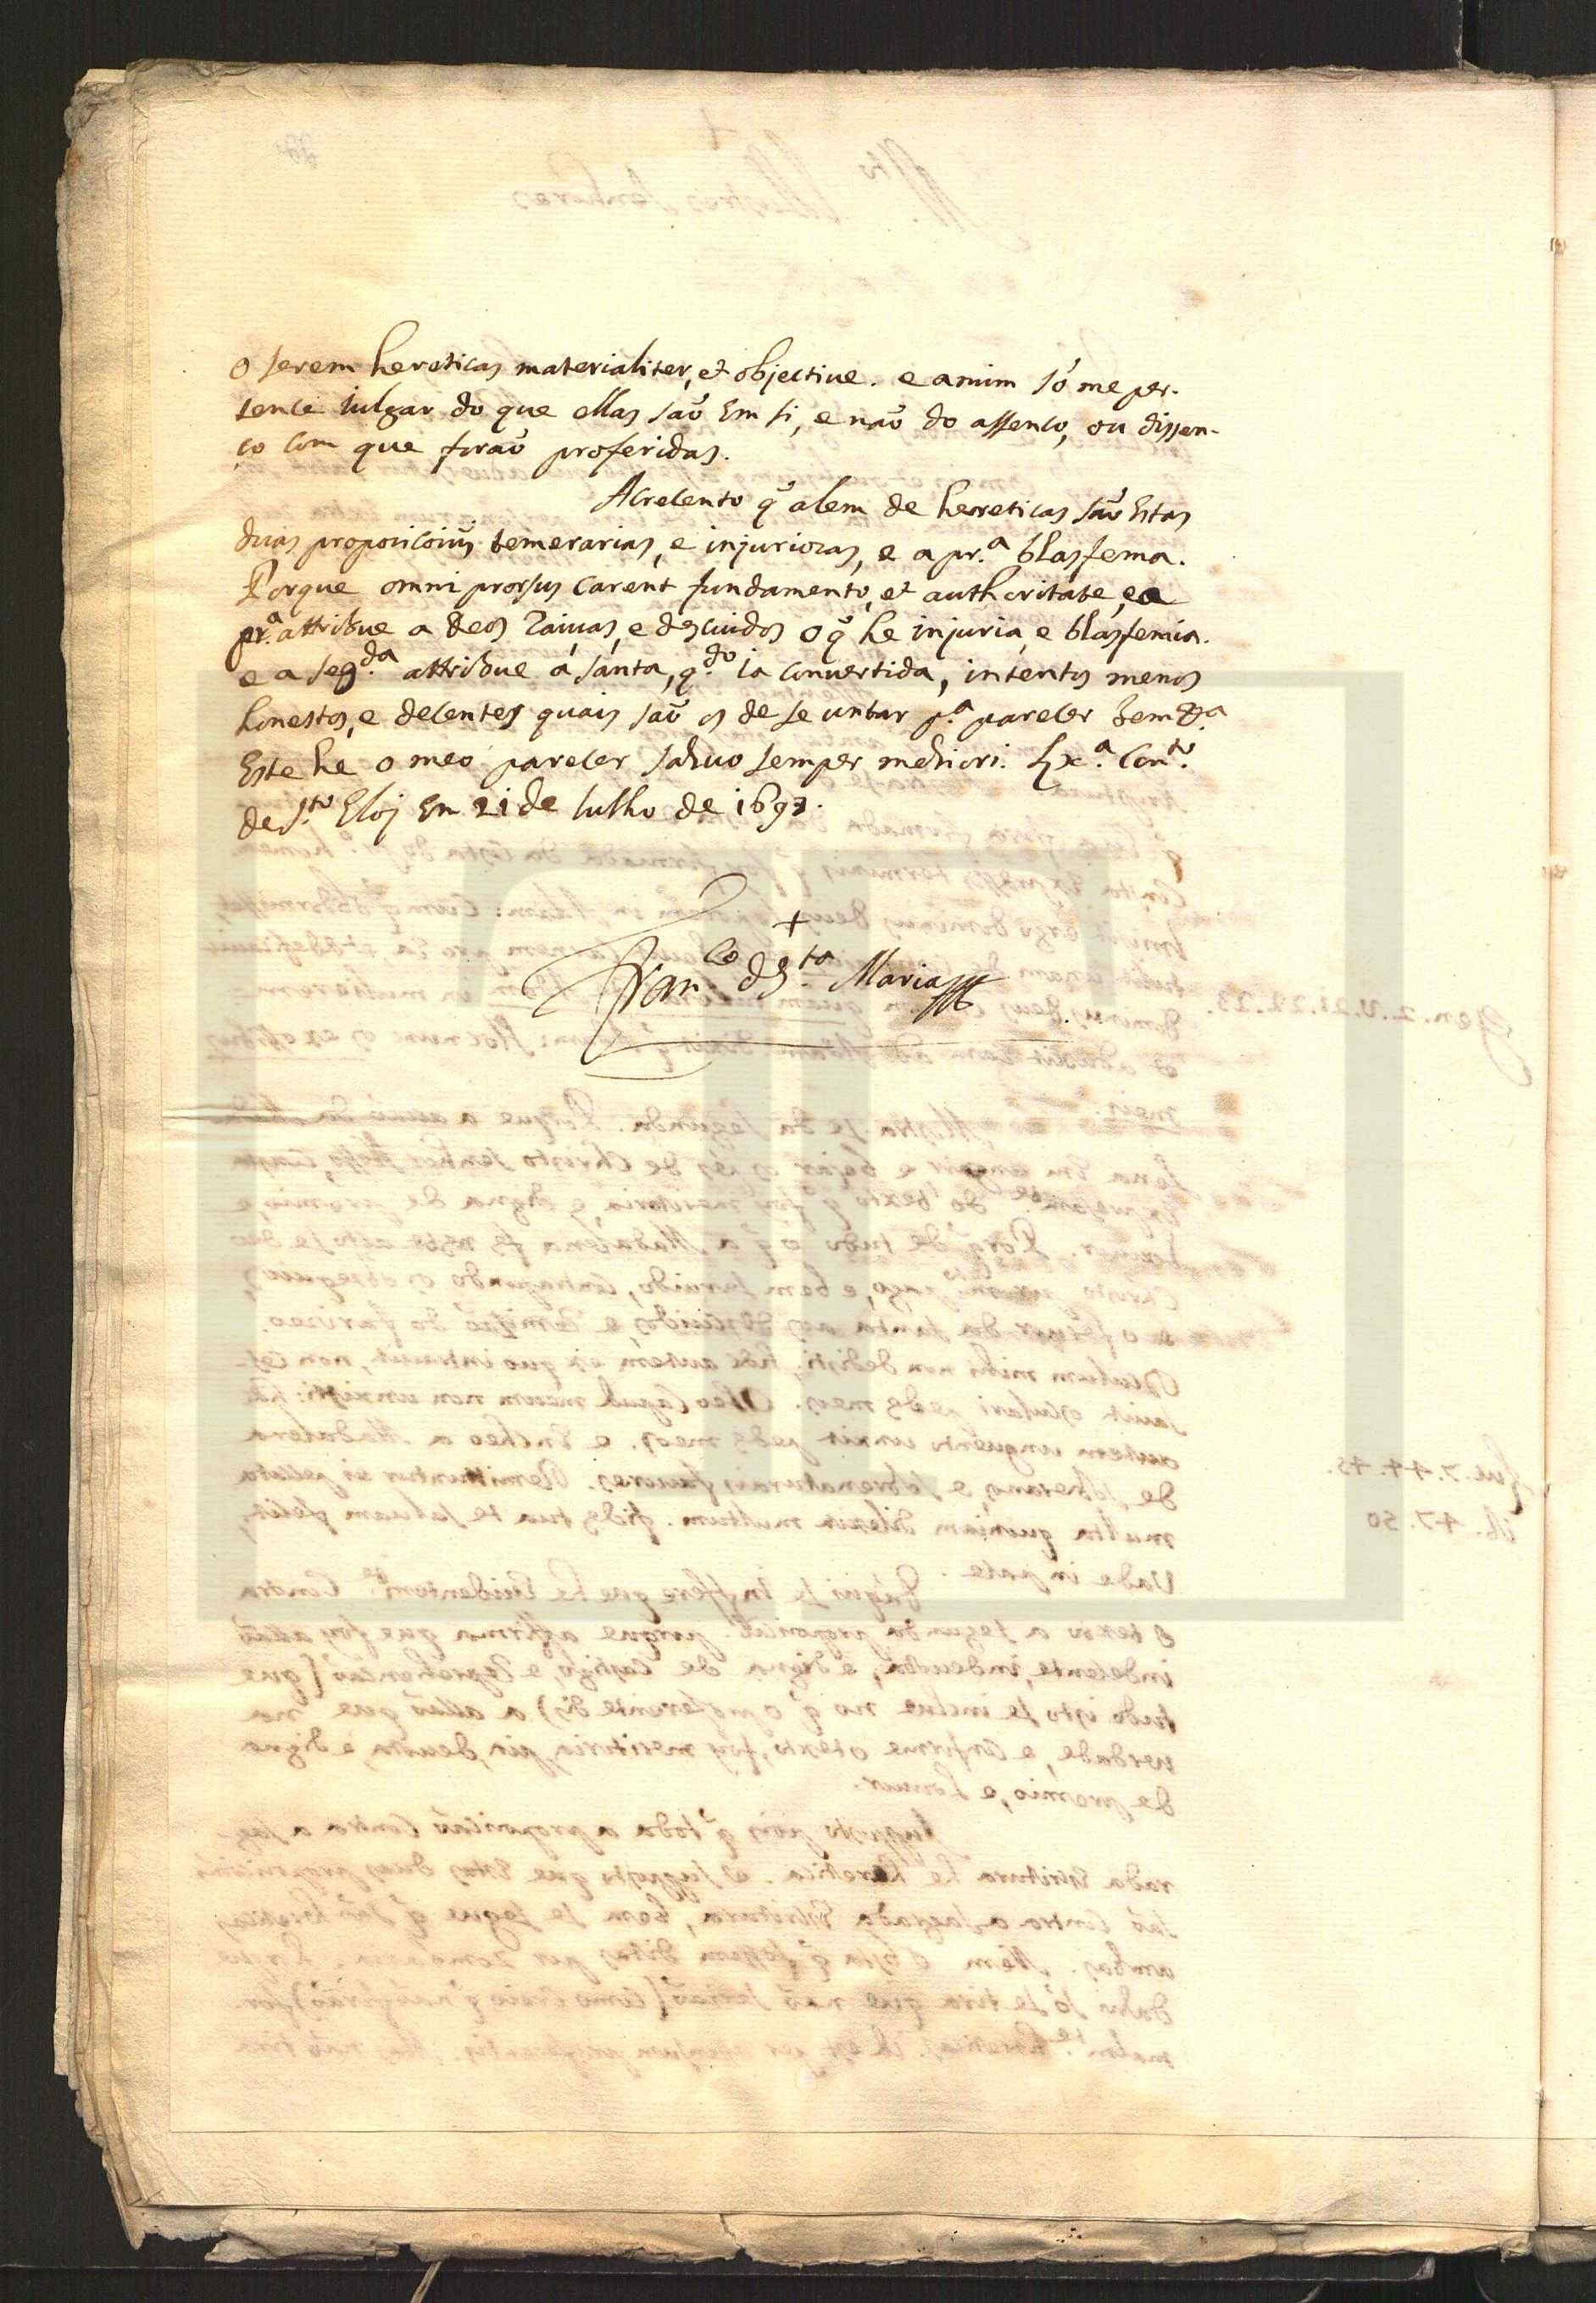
o serem hereticas materialiter, et objectiue. e a mim só me per
tence iulgar do que ellas saõ Em si, e naõ do assenço, ou dissen
ço com que foraõ proferidas.
Acrecento q̄ alem de hereticas saõ Estas
duas propoziçoin̄s temerarias, e injuriozas, e a pr.a blasfema.
Porque omni prorsus carent fundamento, et authoritate, e a
pr.a attribue a Deos Raiuas, e descuidos o q̄ he injuria, e blasfemia.
e a seg.da attribue à Santa, q.do ia conuertida, intentos menos
honestos, e decentes quais saõ os de se untar p.a parecer bem &.a
Este he o meo parecer saluo semper meliori Lx.a Con.to
de S.to Eloj Em 2i de Iulho de i698.
Franco de S.ta Maria
